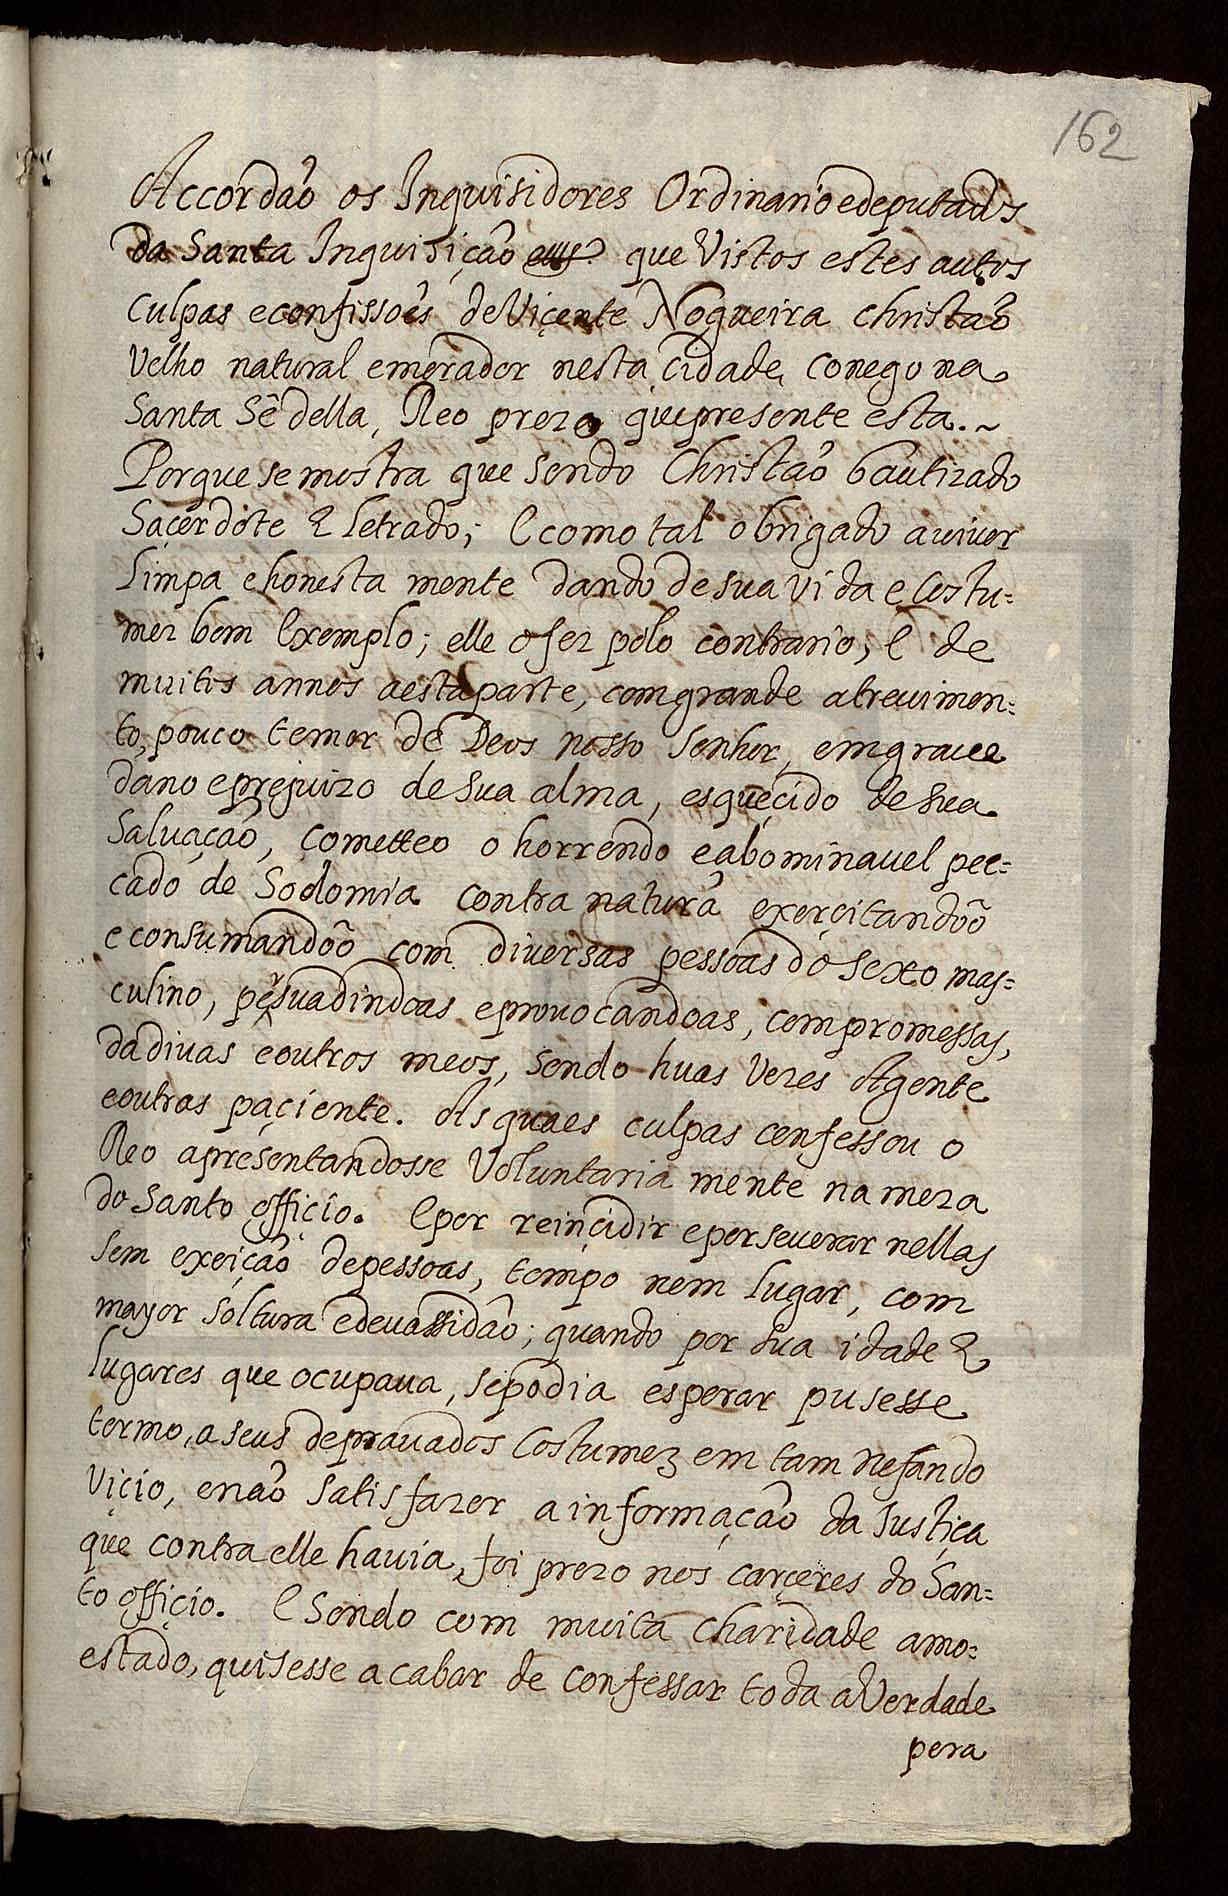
Accordão os Inquisidores Ordinario e deputados
da Santa Inquisição etc que Vistos estes autos
culpas e confissões de Vicente Nogueira christão
velho natural e morador nesta cidade conego na
Santa Sê della, Reo prezo que presente esta.
Porque se mostra que sendo Christão bautizado
Sacerdote e Letrado; E como tal obrigado a viver
Limpa e honestamente dando de sua vida e costu
mez bom exemplo; elle o fez pelo contrario; E de
muitos annos a esta parte, com grande atrevimen
to, pouco temor de Deos Nosso Senhor, em grave
dano e prejuizo de sua alma, esquecido de sua
Salvação, cometteo o horrendo e abominavel pec-
cado de Sodomia contra naturā exercitandoõ
e consumandoõ com diversas pessoas do sexo mas
culino, persuadindoas e provocandoas,
dadivas e outros meos, sendo huas vezes Agente
e outras paçiente. As quaes culpas confessou o
Reo apresentandosse voluntariamente na meza
do Santo Officio. E por reincidir e perseverar nellas
sem exceição de pessoas, tempo nem lugar; com
mayor soltura e devassidão; quando por sua idade e
lugares que ocupava, se podia esperar pusesse
termo a seos depravados costumez em tam nefando
Vicio, e não satisfazer a informação da Justiça
que contra elle havia, foi prezo nos carceres do San
to officio. E sendo com muita charidade amo
estado, quisesse acabar de confessar toda a Verdade
pera
